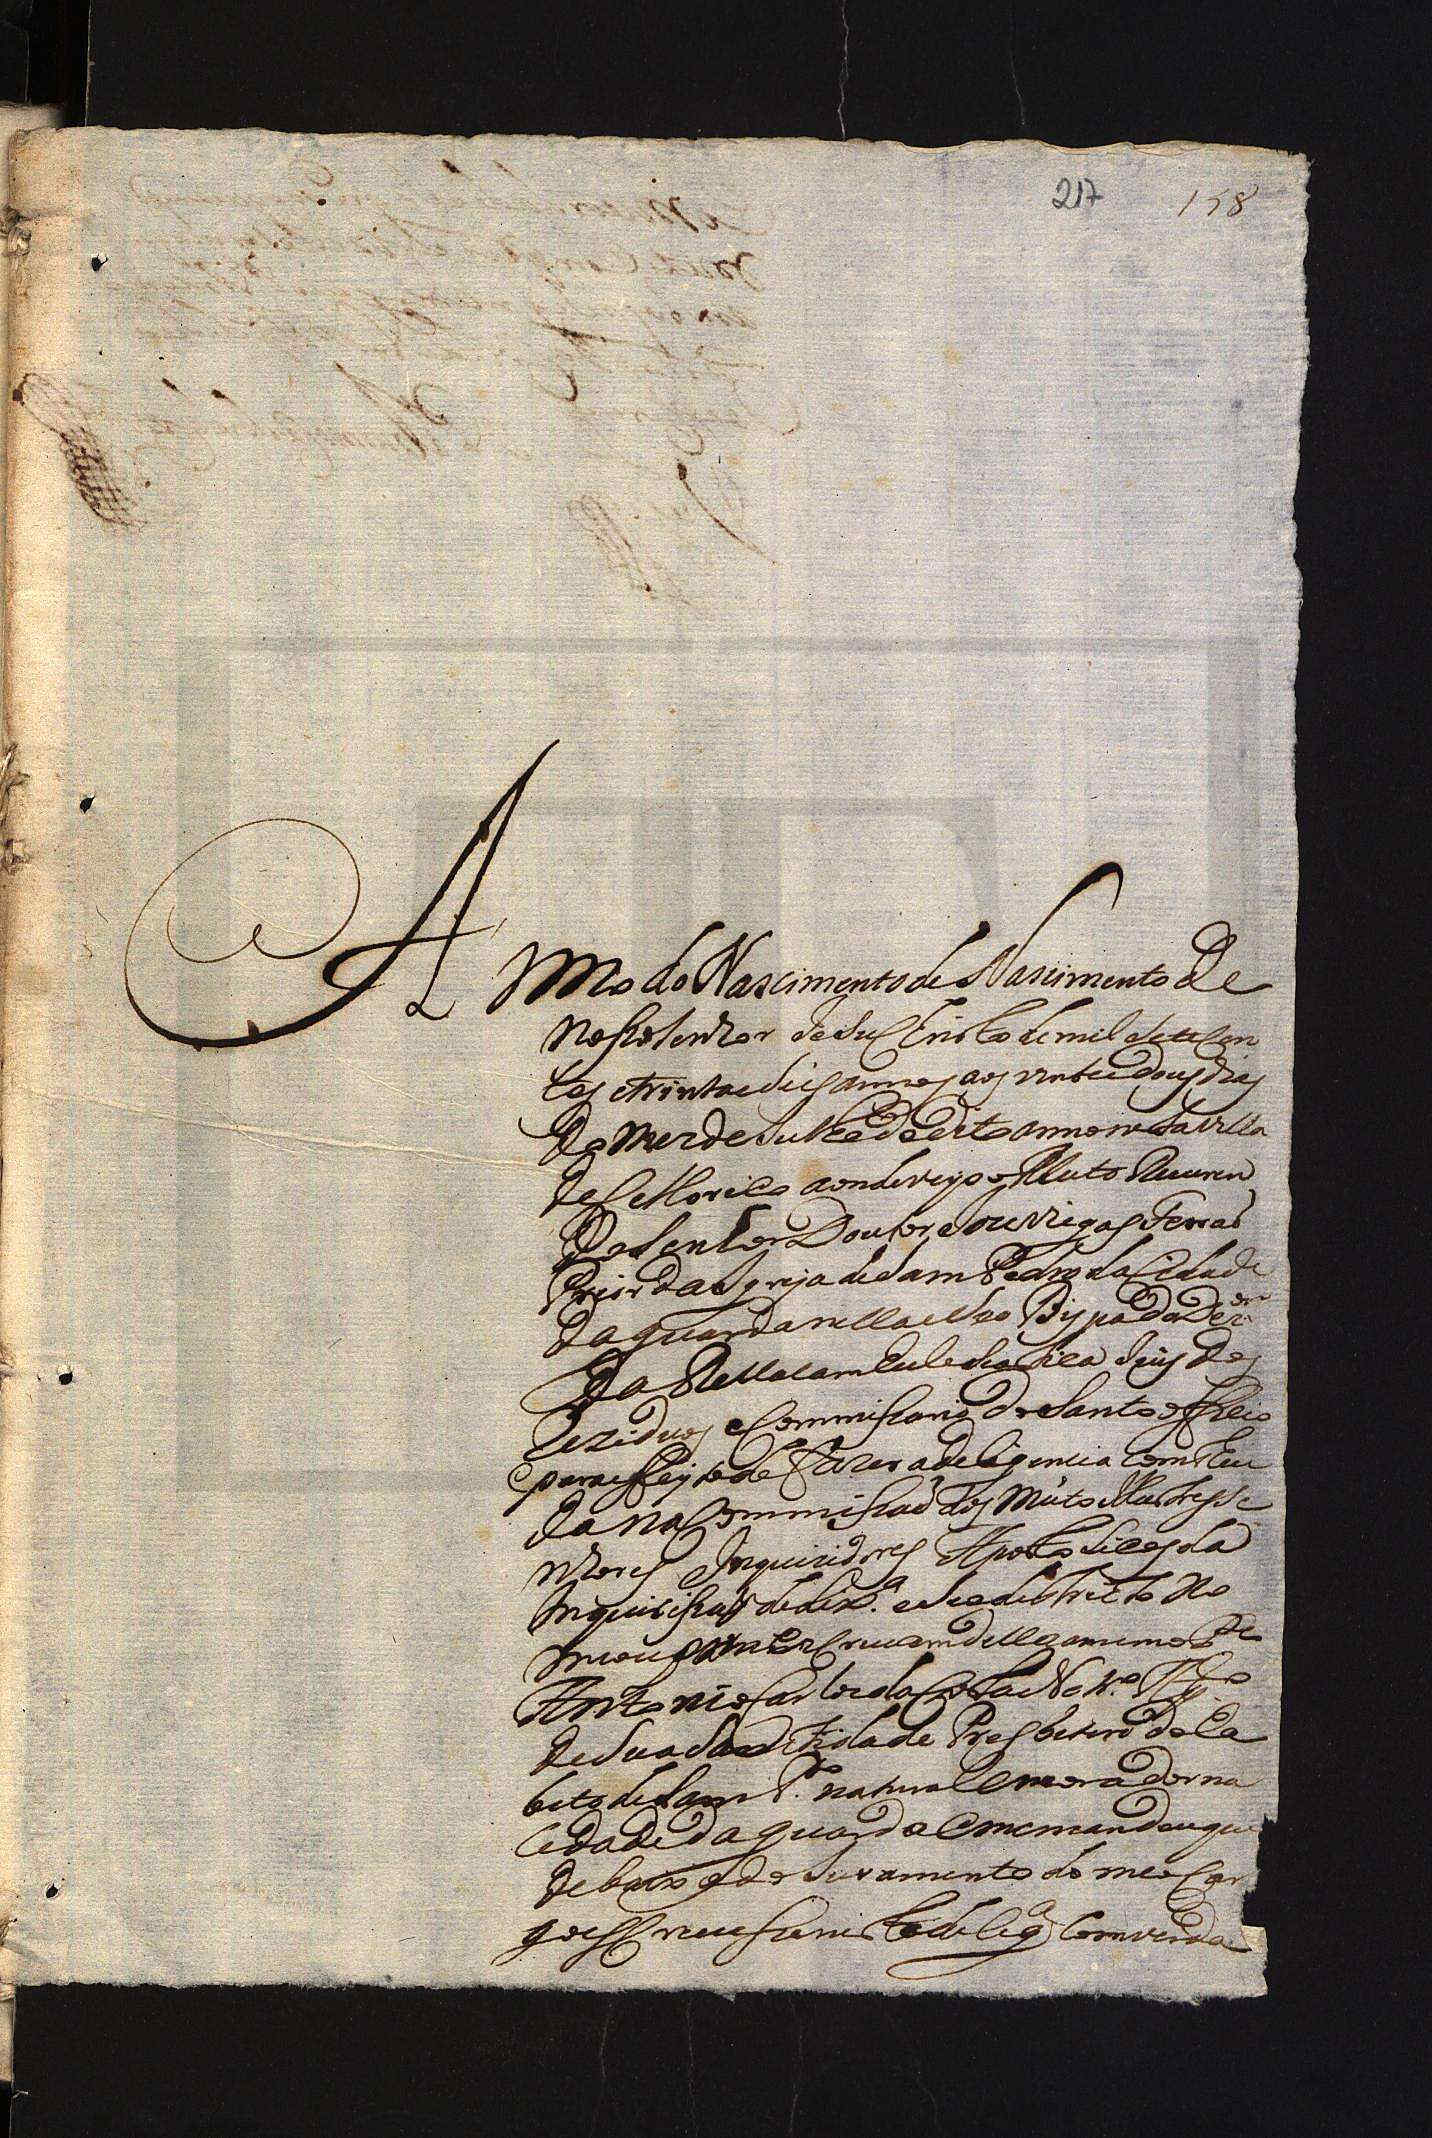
158
Anno do Nascimento de Nascimento de
nosso senhor Iesu Christo de mil seteCen
tos e trinta e seis annos aos vinte dous dias
do mez de Iulho do dito anno nesta villa
de Cellorico aonde veyo o Muto Reueren
do Senhor Doutor Ioze viegas Ferraõ
Prior da Igreja de Sam Pedro da Cidade
da guarda nelle e Seo Bispado Dez.or
da Rellaçam Ecclesiastica Iuis dos
Reziduos e Commissario do Santo officio
e para effeyto de fazer a deligencia comtheu
da na Commissaõ dos Muto Illustres se
nhores Jnquizidores Apostolicos da
Inquizissaõ de Lix.a e seu districto no
meou para EzCreuam della a mim o Pe
Antonio Carloz da Costa Notr.o Ap.co
de sua sanctidade Presbetero do ha
bito de Sam P.do natural e morador na
Cedade da guarda e me mandou que
debaixo do Iuramento do meo Car
go esCreuessem
a deleg.a Com verda
